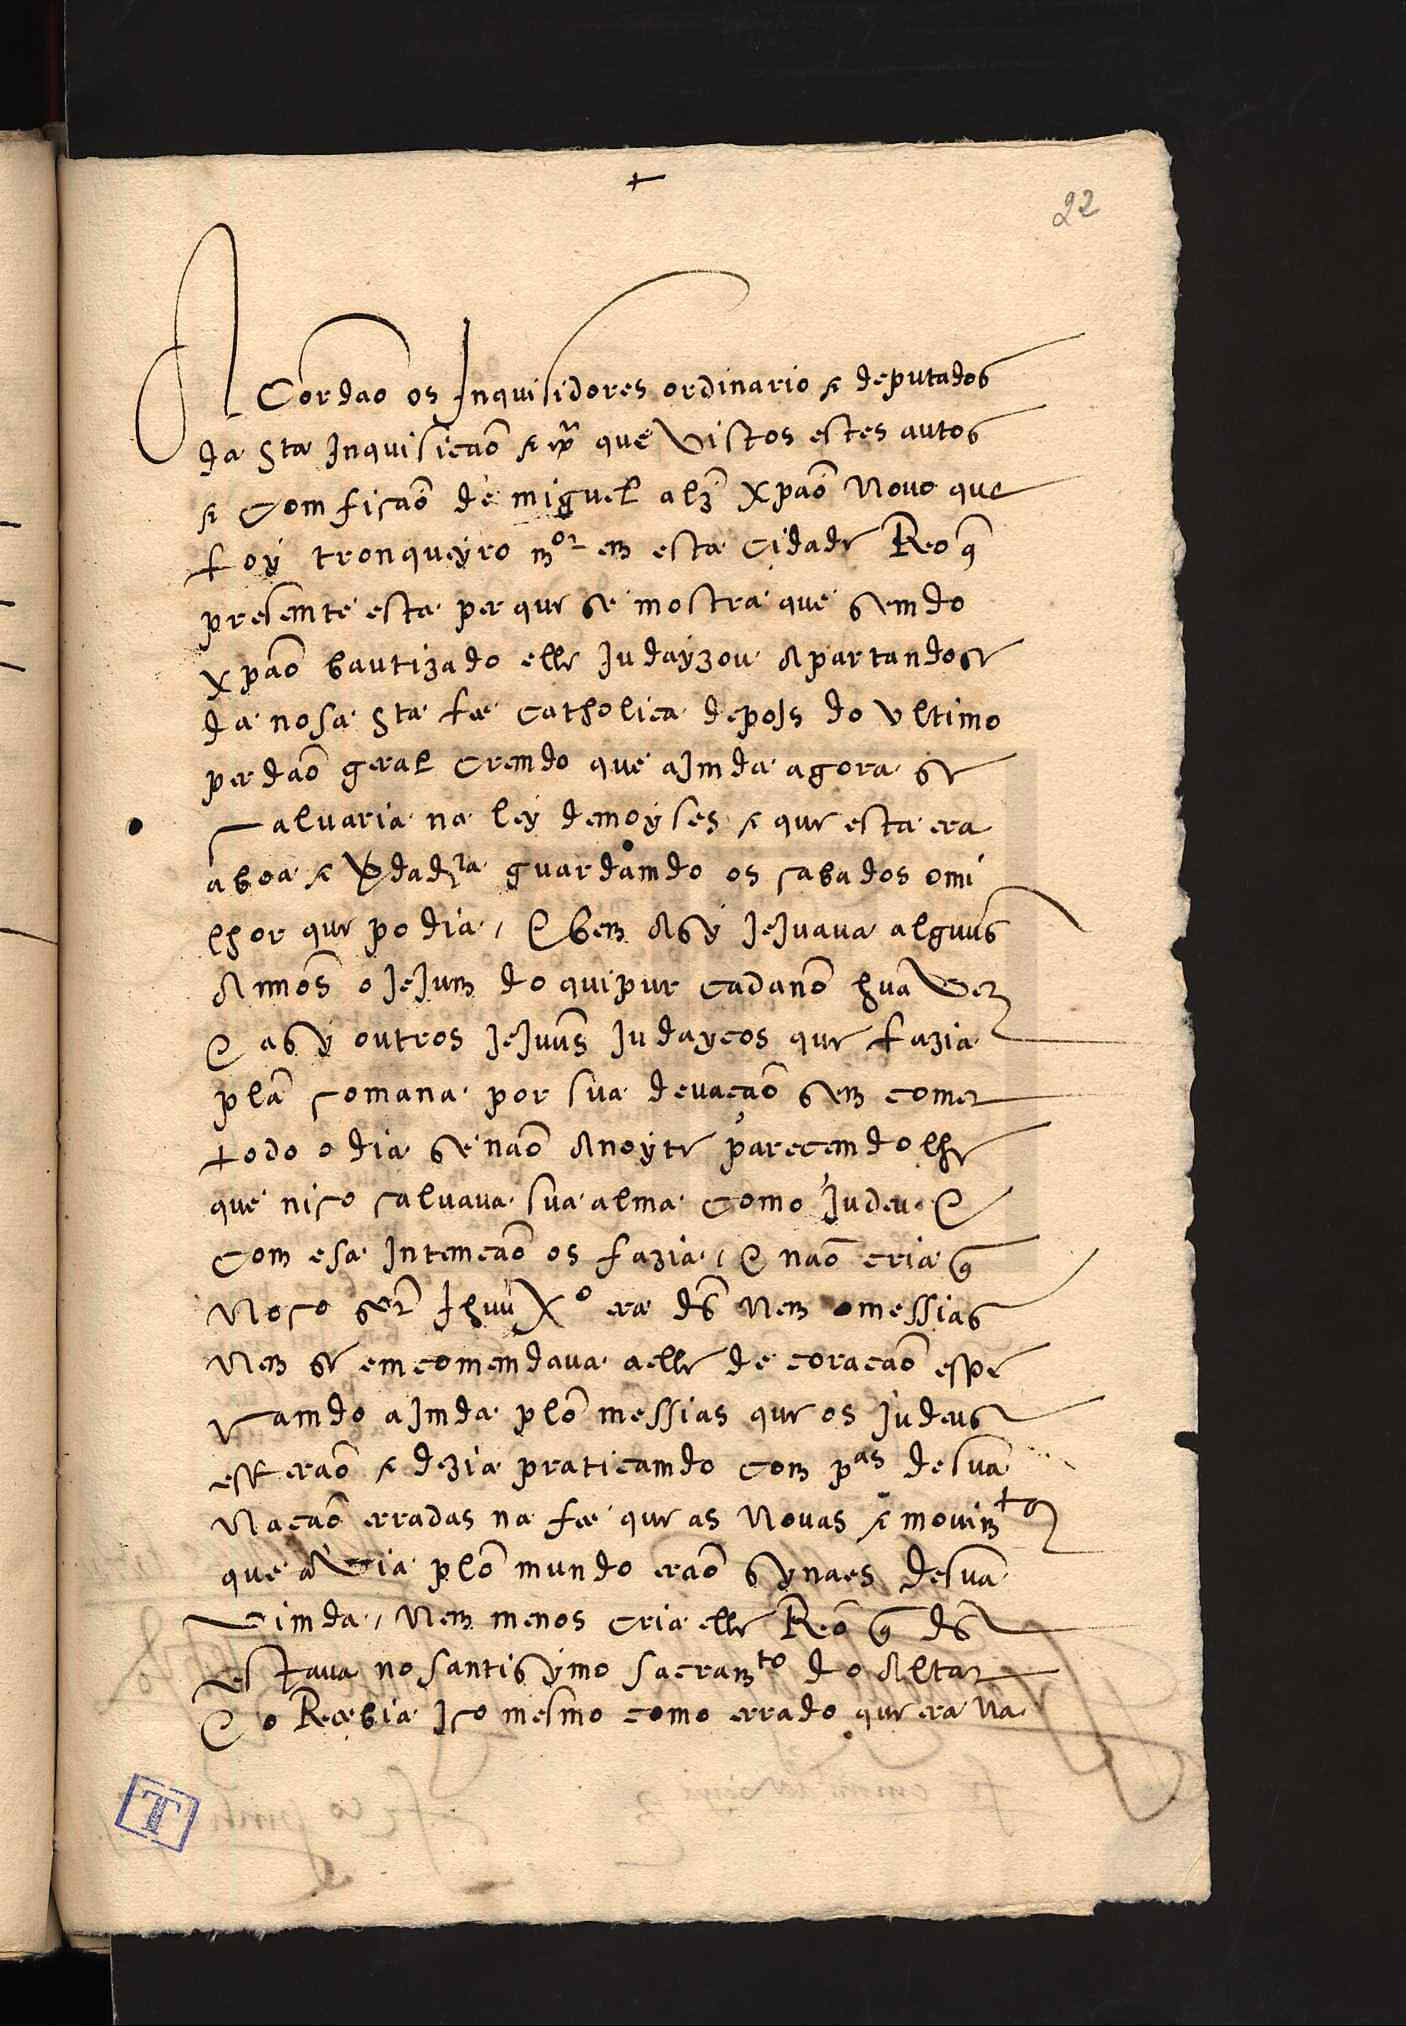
Acordão os Jnquisidores ordinario e deputados
da Sta Jnquisiçaõ e cꝭ̄ que vistos estes autos
e comfisaõ de miguel alz̄ xpaõ nouo que
foy tronqueyro mor em esta cidade Reo q̄
presemte esta per que se mostra que semdo
xpão bautizado elle Judayzou Apartandose
da nosa Sta fee catholica depojs do vltimo
perdaõ geral cremdo que aJnda agora se
saluaria na ley de moyses e que esta era
a boa e ꝟdadꝭra guardamdo os sabados o mi
lhor que podia / e bem Asy JeJuaua alguūs
Annōs o JeJum do quipur cadanō hua vez
e asy outros JeJuūs Judaycos que fazia
plā somana por sua deuaçaõ sem comer
todo o dia senão A noyte parecemdo lhe
que niso saluaua sua alma como Judeu e
com esa Jntemção os fazia / e naõ cria q̄
noso sor̄ Jhuu Xo era ds̄ nem o messias
nem se emcomemdaua a elle de coraçaõ espe
ramdo aJmda plō messias que os Judeus
esperaõ e dezia praticamdo com pas de sua
naçaõ erradas na fee que as nouas e mouimtos
que avia plō mundo eraõ synaes de sua
vimda / nem menos cria elle Reō q̄ ds̄
estaua no Santisymo Sacramto do Altar
e o Recebia Jso mesmo como errado que era na
